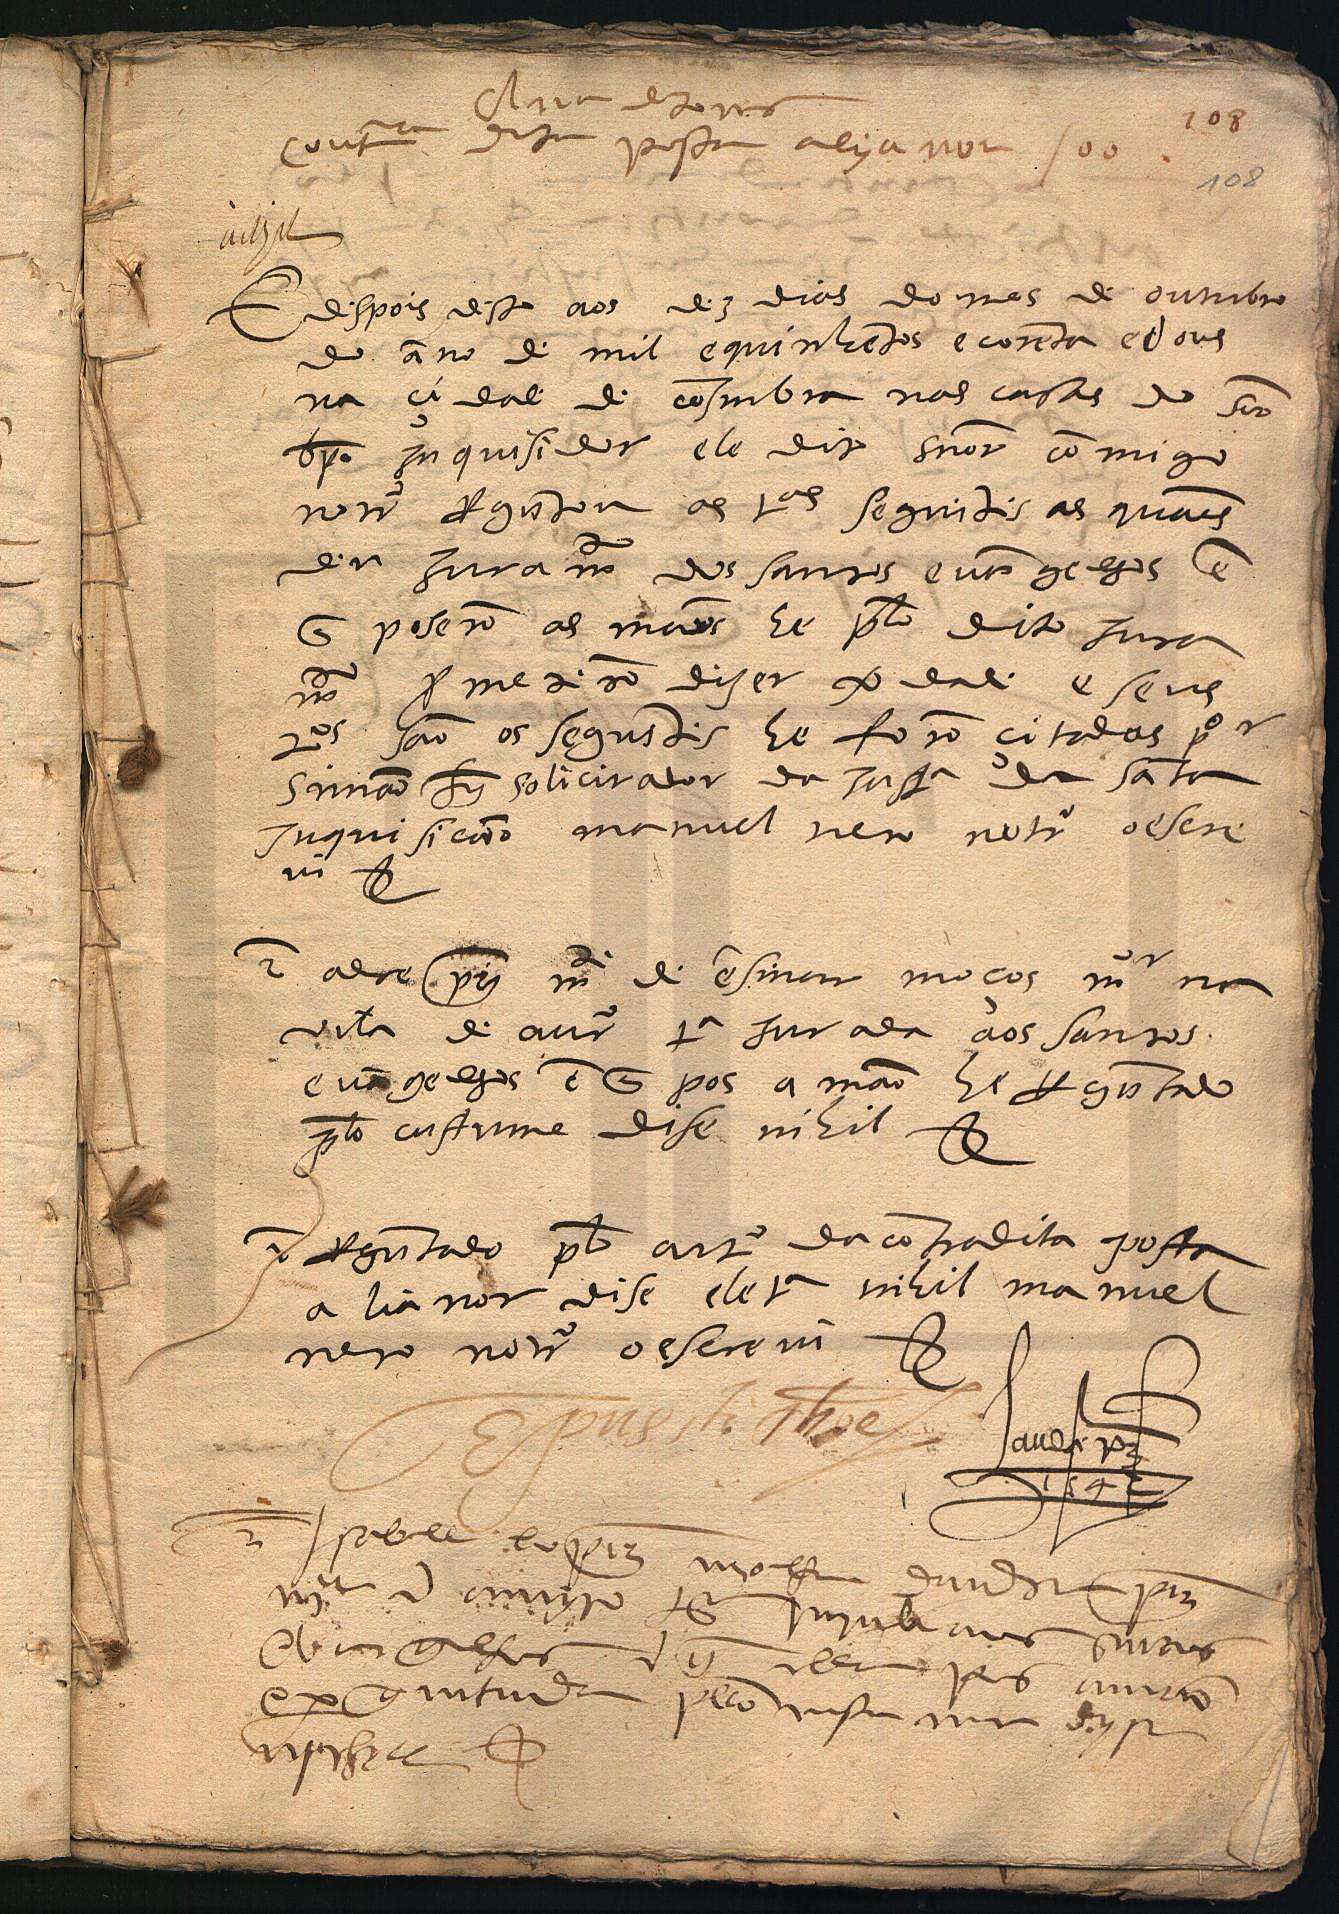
Ana de tores
Contradita posta a lyanor
nihil
E despois desto aos dez dias do mes de outubro
do āno de mil e quinhētos e corēta e dous
na çidade de coJmbra nas casas do s̄or
b̄po Jnquisidor ele dito snōr c̄omigo
notro ꝑgūtou as tas seguites as quaes
deu Juramto dos santos euāgelhos ē
q̄ poser̄o as maõs he pl̄o dito Jura
mto ꝓmeter̄o dizer ꝟdade e seus
tos saõ os seguītes he for̄o çitados por
simão f̄rz solicitador da Justa da sāta
Jnquisicão manuel neto notro o escre
ui
item adre p̄iz mte de ēsinar moços mor na
vila de auro ta Jurada aos Santos
eūagelhos ē q̄ pos a mão he ꝑgūtado
p̄lo custume dise nihil
item ꝑgūtado p̄lo arto da c̄otradita posta
a lianor dise ele ta nihil manuel
neto notro o escreui
item Jsabell lop̄iz molher dandre p̄iz
mor ē aueyro tsa jurada aos santos
evangelhos ē q̄ ella pos a maõ
e ꝑguntada pl̄lo custume dyse
njchyll
